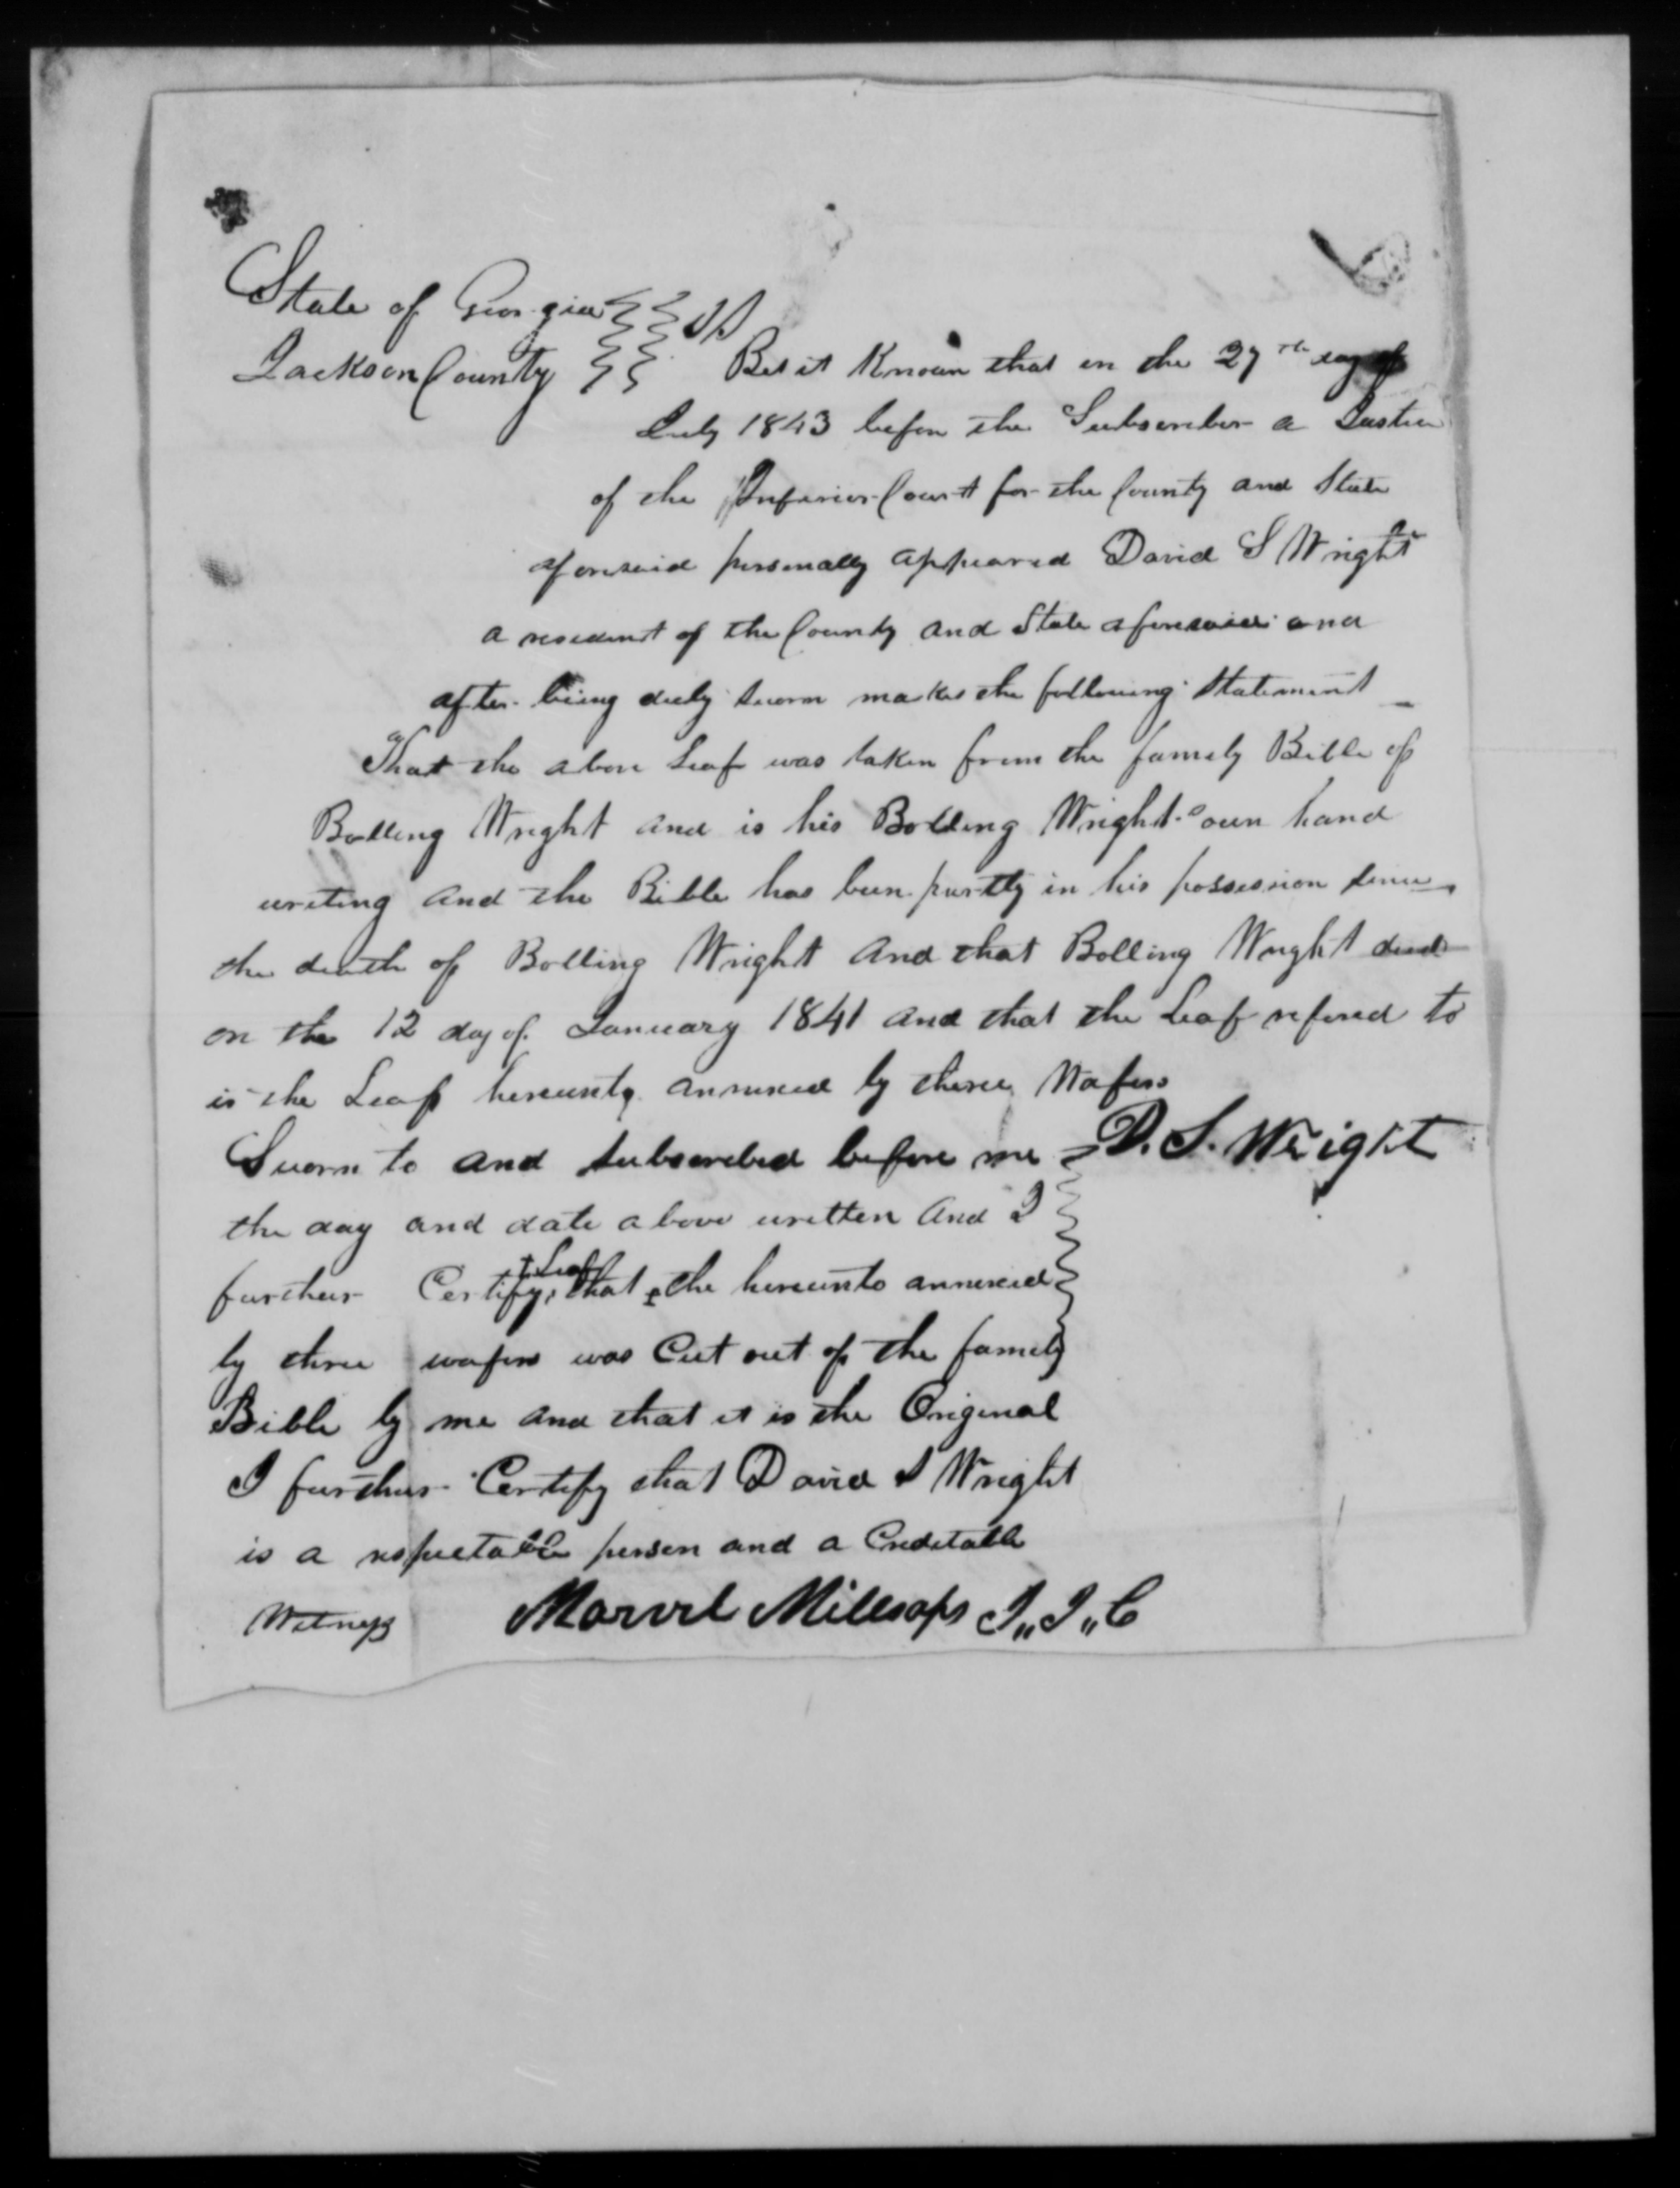State of Georgia} SS
Jackson County} Be it known that on the 27th day of July 1843 before the Subscriber a Justice of the Inferior Court for the County and State aforesaid personally appeared David S Wright a resident of the County and State aforesaid and after being duly Sworn makes the following statement - 
That the above Leaf was taken from the family Bible of Bolling Wright and is his Bolling Wright's own hand writing and the Bible has been partly in his possession from the death of Bolling Wright and that Bolling Wright died on the 12 day of January 1841 and that the Leaf referred to is the Leaf hereunto annexed by three Wafers.
D. S. Wright
Sworn to and Subscribed before me
the day and date above written and I
further Certify, that the Leaf hereunto annexed
by three wafers was Cut out of the family Bible by me and that it is the Original
I further Certify that David S Wright
is a respectable person and a Creditable Witness
Marvel Millsaps J,,I,,C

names: Marvel Millsaps, David S Wright, Bolling Wright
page: 8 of 81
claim: widow's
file: W. 5183, Bolling Wright, Va.